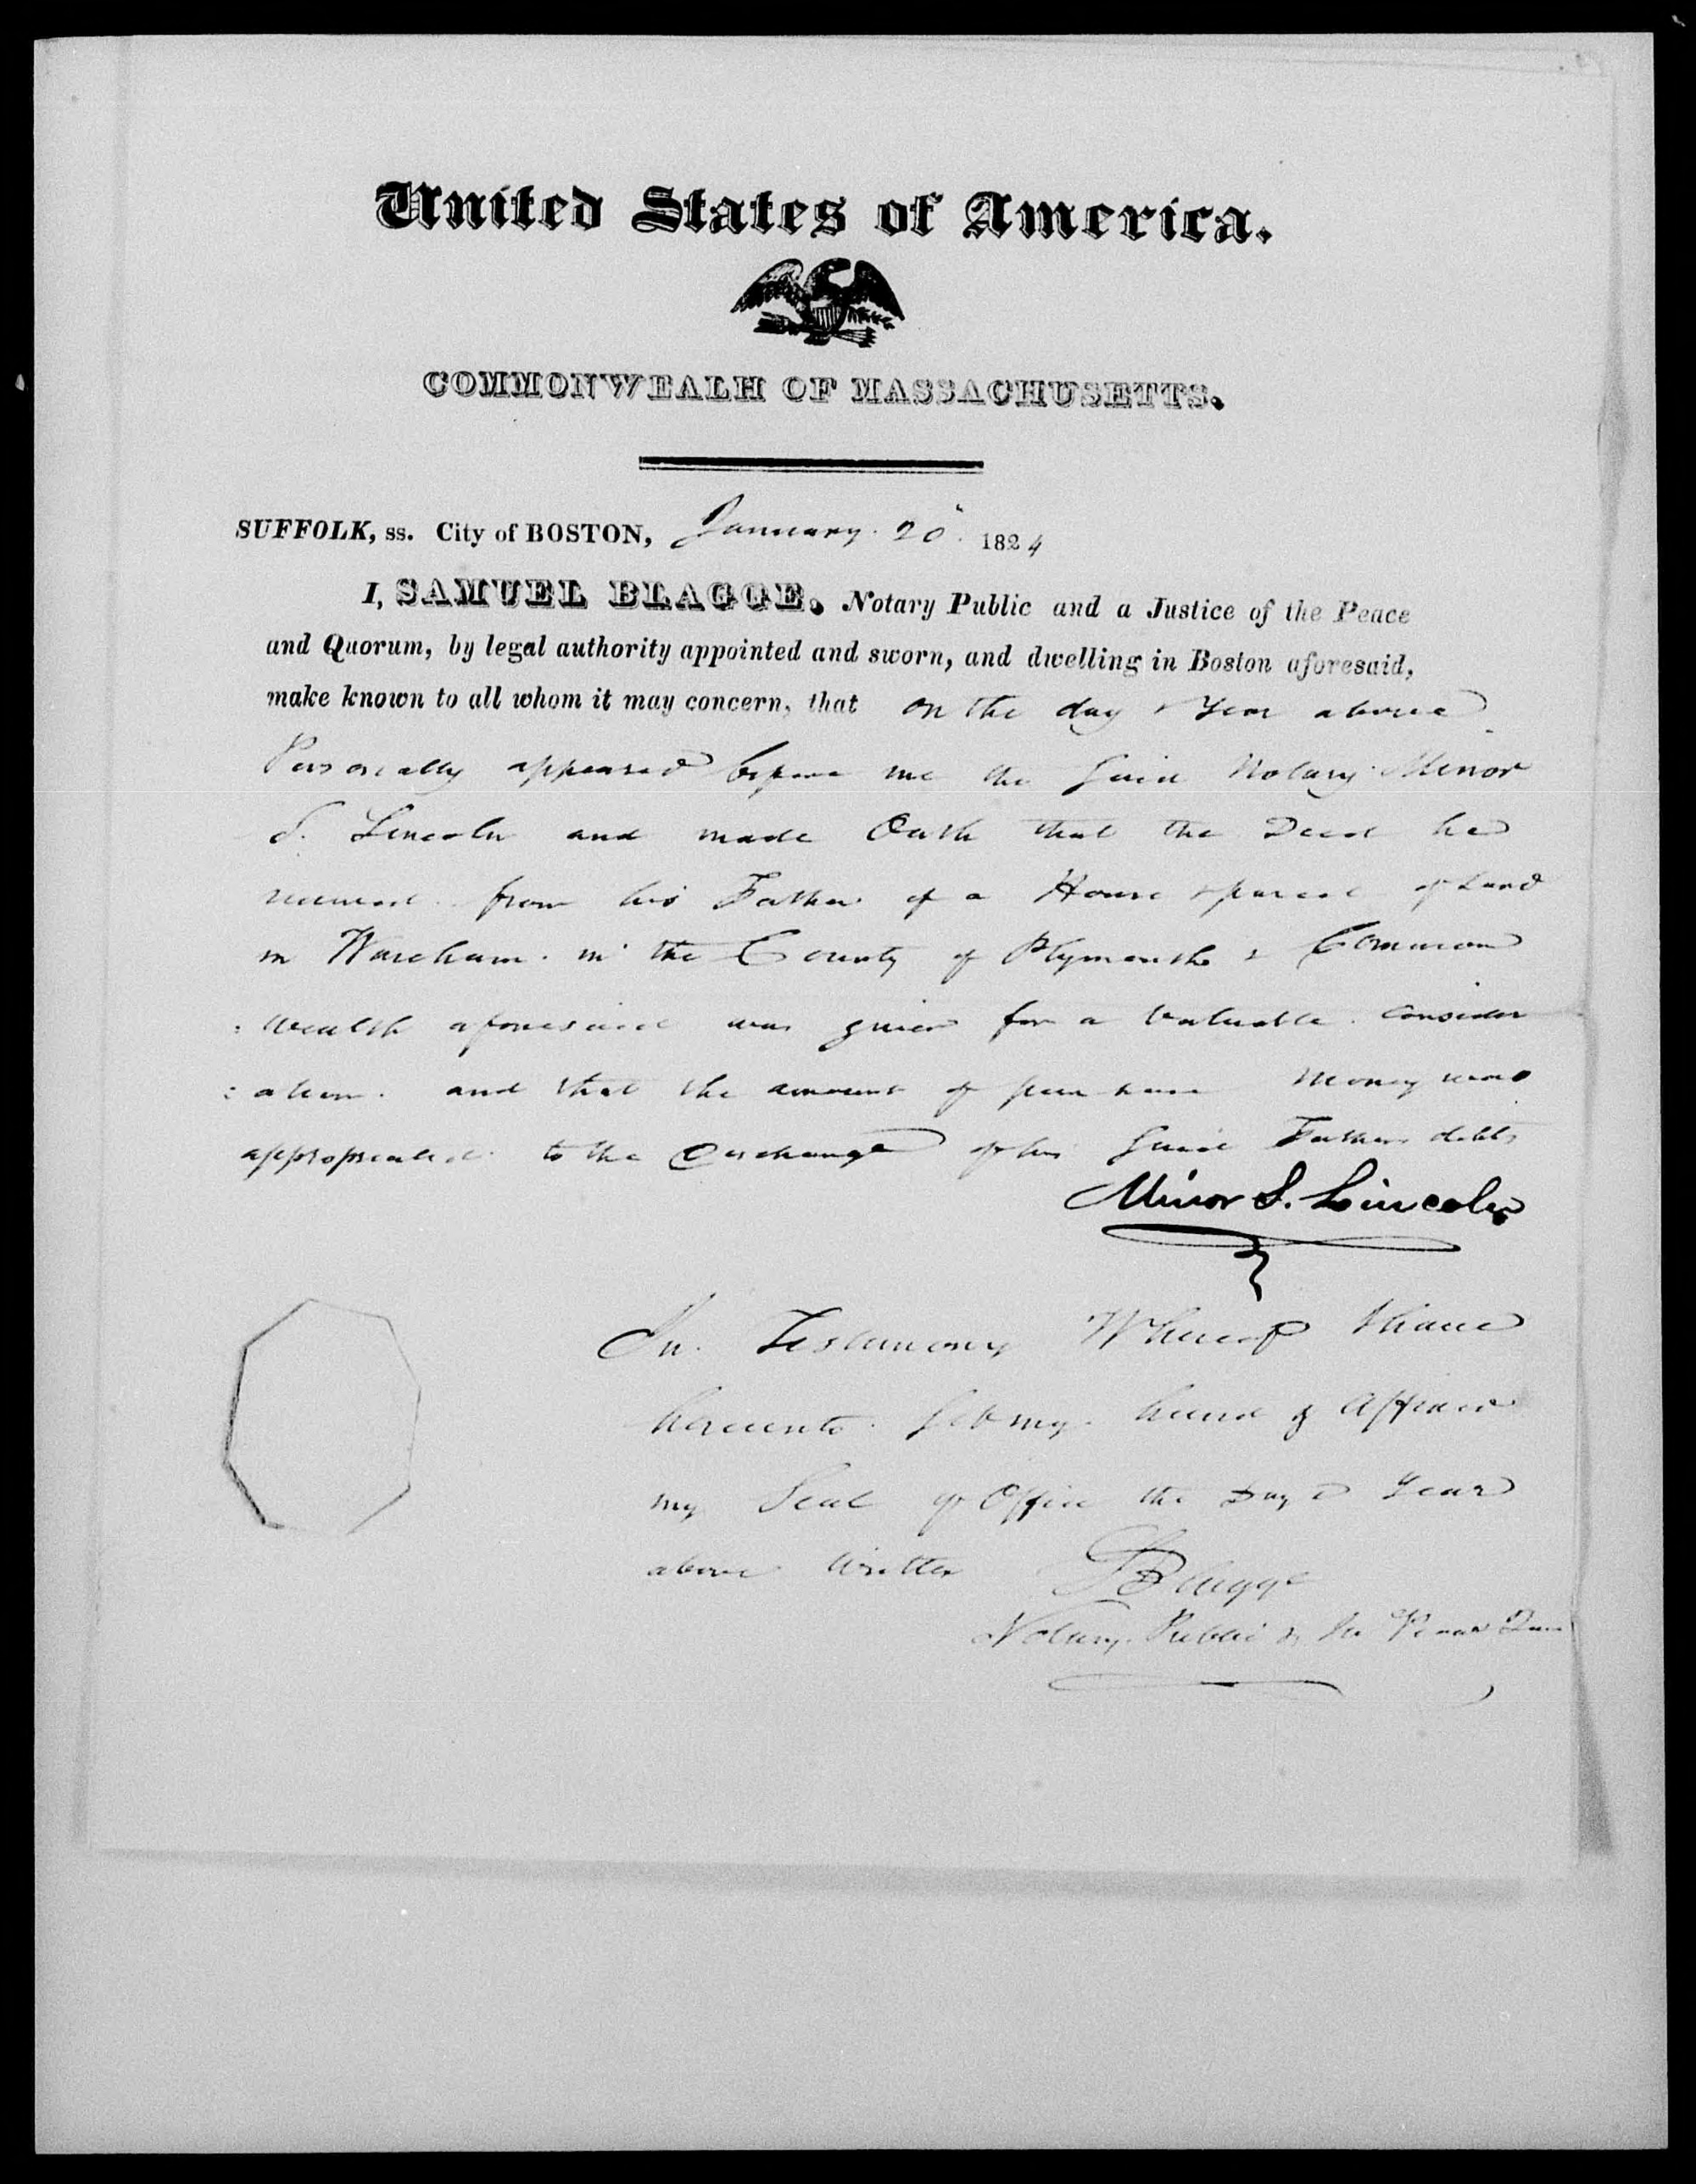United States of America.
COMMONWEALH OF MASSACHUSETTS.
SUFFOLK, ss. City of BOSTON, January 20, 1824
I, SAMUEL BLAGGE, Notary Public and a Justice of the Peace and Quorum, by legal authority appointed and sworn, and dwelling in Boston aforesaid, make known to all whom it may concern, that on the day & year above
Personally appeared before me the said Notary Minor Lincoln and made Oath that the Deed he received from his Father of a House & parcel of Land in Wareham in the County of Plymouth & Commonwealth aforesaid was given for a valuable consideration and that the amount of purchase money was
appropriated to the discharge of his said Father's debts-
Minor S. Lincoln
In Testimony Whereof I have hereunto set my hand & affixed my Seal of Office the day year
above written-
S. Blagge
Notary Public & Justice Peace, Quor.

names: Samuel Blagge; Minor S Lincoln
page: 29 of 82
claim: widow's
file: W. 13,634, for Rufus Lincoln, Massachusetts